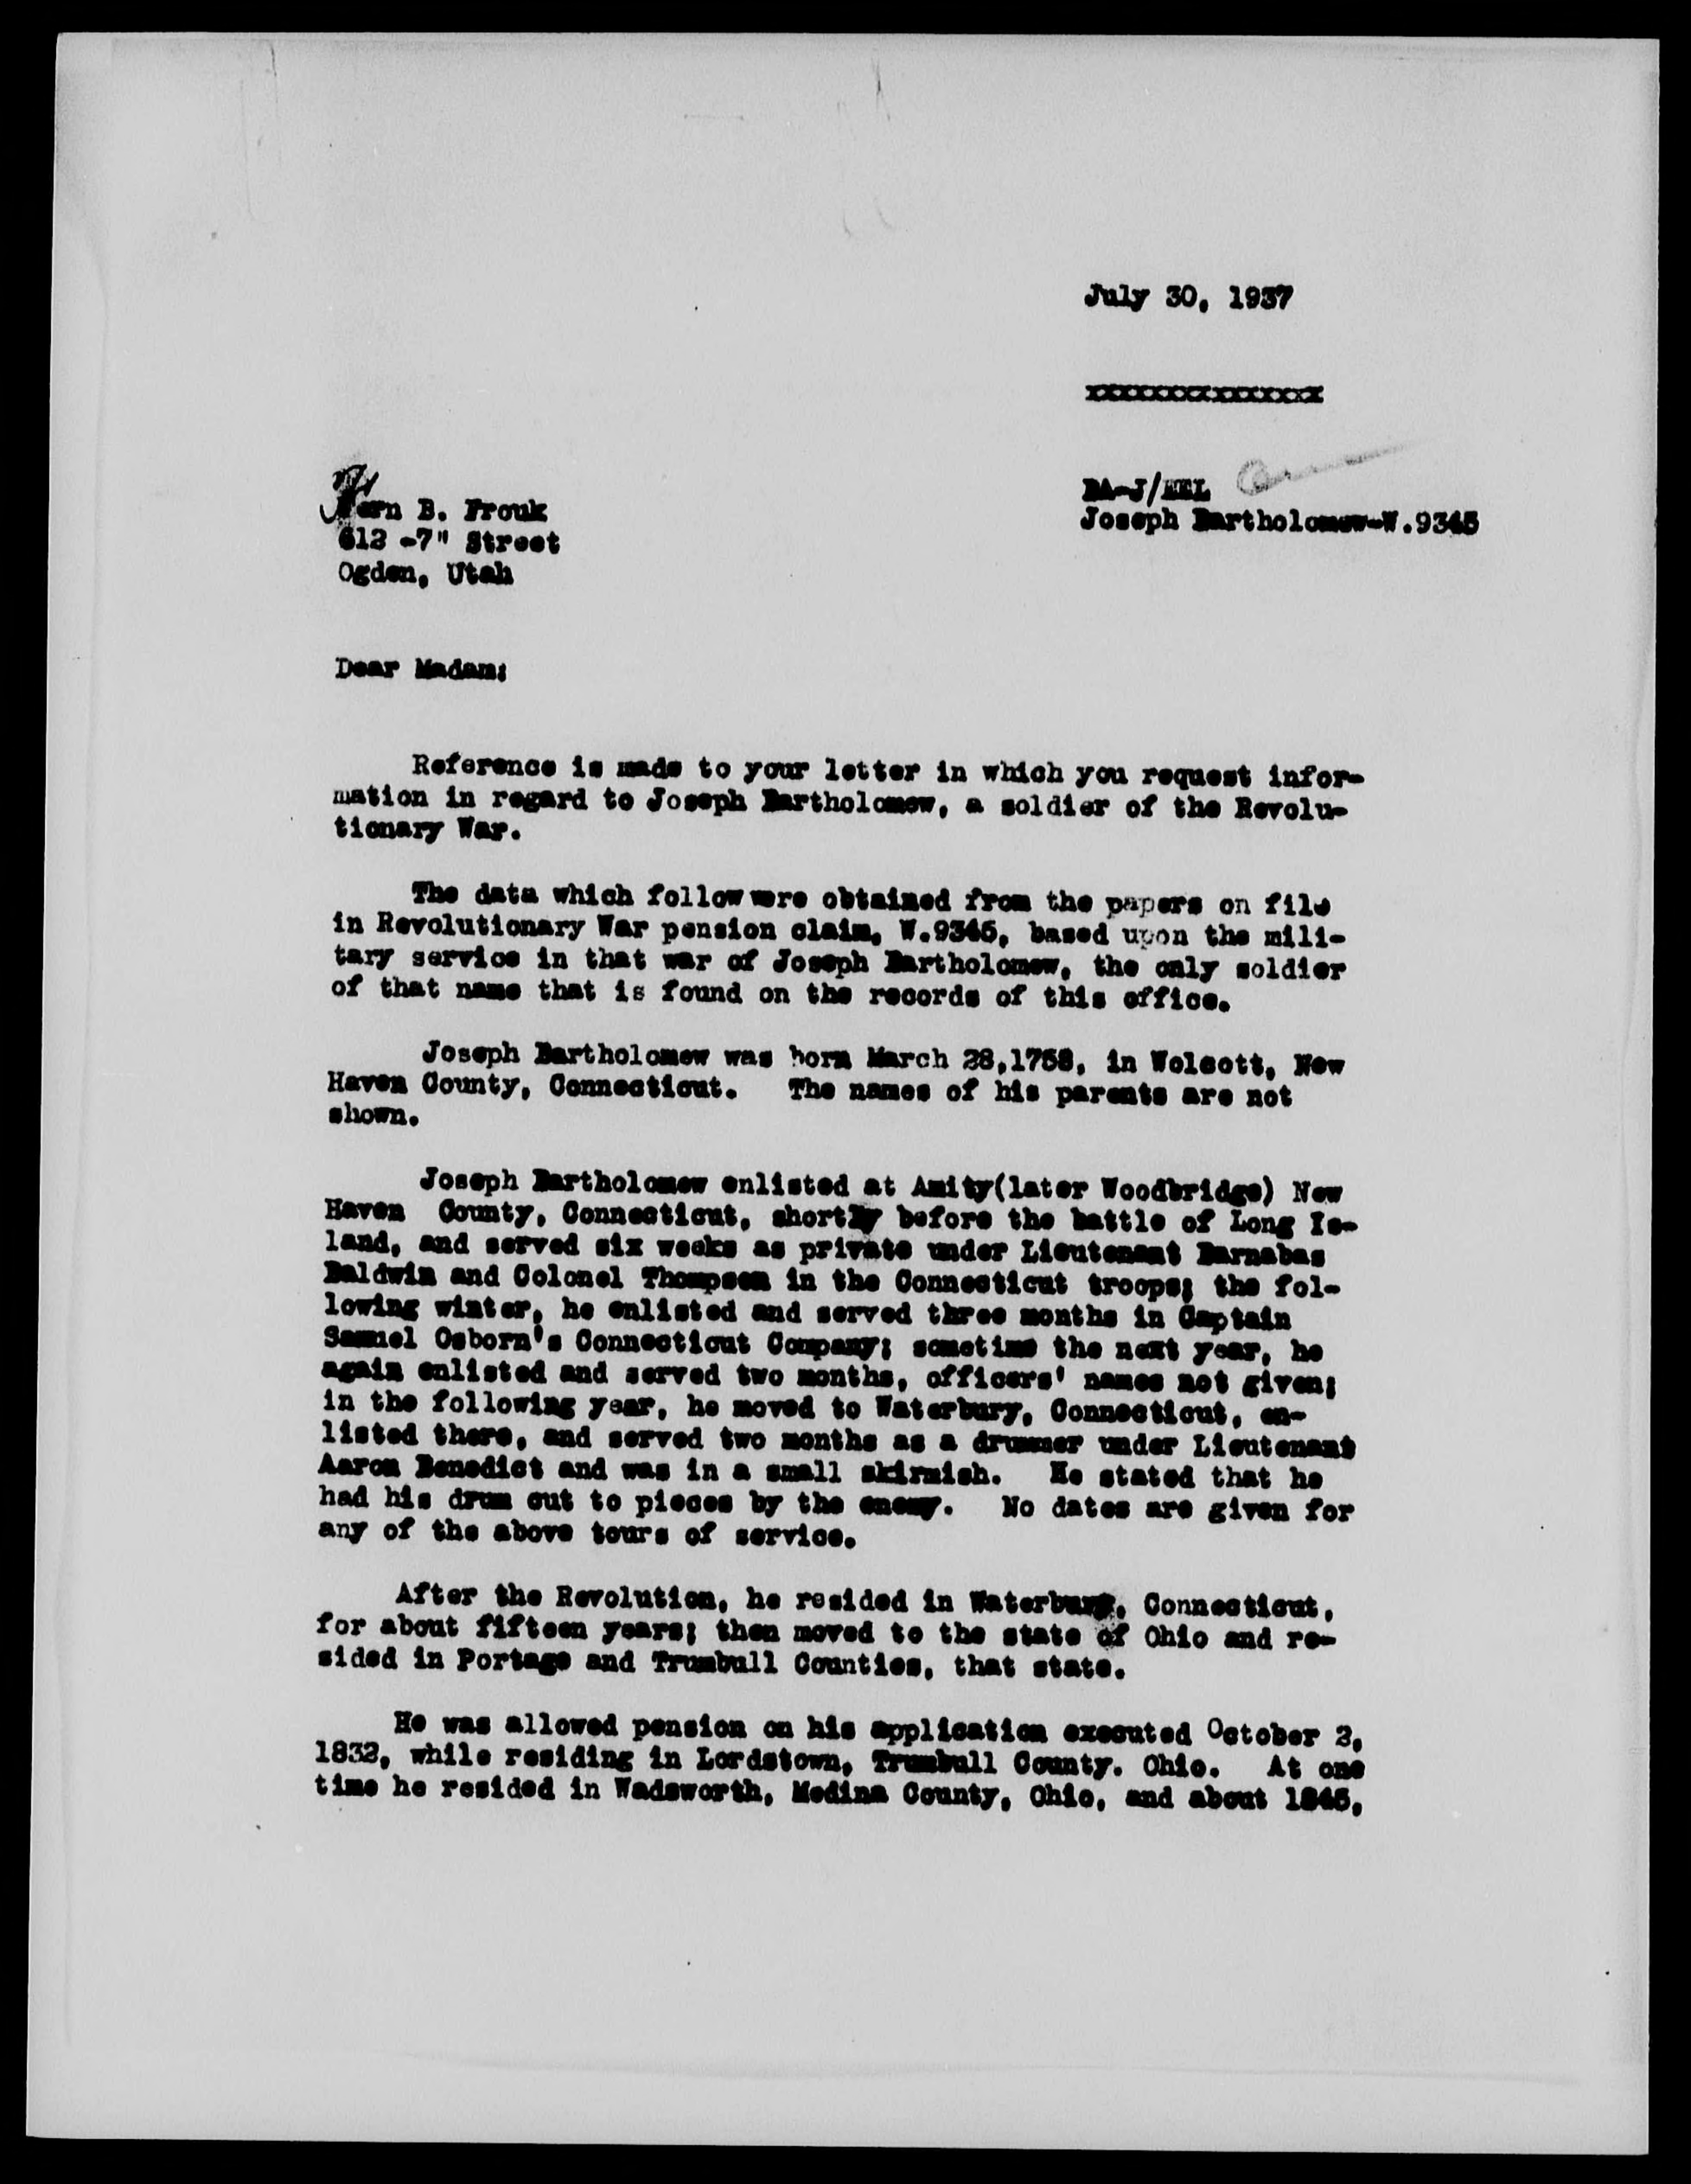July 30, 1937

BA-J/EEL
Joseph Bartholomew W.9345

Fern B. Frouk
612 7" Street
Ogden, Utah

Dear Madam:

Reference is made to your letter in which you request information in regard to Joseph Bartholomew, a soldier of the Revolutionary War. 

The data which follow were obtained from the papers on file in Revolutionary War pension claim, W.9365, based upon the military
service in that war of Joseph Bartholomew, the only soldier of that name that is found on the records of this office.

Joseph Bartholomew was born March 28, 1758, in Wolcott, New Haven County, Connecticut. The names of his parents are not shown.

Joseph Bartholomew enlisted at Amity (later Woodbridge) New Haven County, Connecticut, shortly before the battle of Long
Island, and served six weeks as private under Lieutenant Barnabas Baldwin and Colonel Thompson in the Connecticut troops; the following winter, he enlisted and served three months in Captain Samuel Osborn's Connecticut Company; sometime the next year, he again enlisted and served two months, officers' names not given; in the following year, he moved to Waterbury, Connecticut, enlisted there, and served two months as a drummer under Lieutenant
Aaron Benedict and was in a small skirmish. He stated that he had his drum cut to pieces by the enemy. No dates are given for any of the above tours of service.

After the Revolution, he resided in Waterbury, Connecticut, for about fifteen years; then moved to the state of Ohio and resided
in Portage and Trumbull Counties, that state.

He was allowed pension on his application executed October 2, 1832, while residing in Lordstown, Trumbull County, Ohio. At one
time he resided in Wadsworth, Medina County, Ohio, and about 1845,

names: Barnabas Baldwin, Fern B Frouk, Joseph Bartholomew, Aaron Benedict, Thompson, Joseph Bartholomew, Joseph Bartholomew, Joseph Bartholomew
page: 18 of 76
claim: widow's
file: W. 9345, Joseph Bartholomew, Conn.